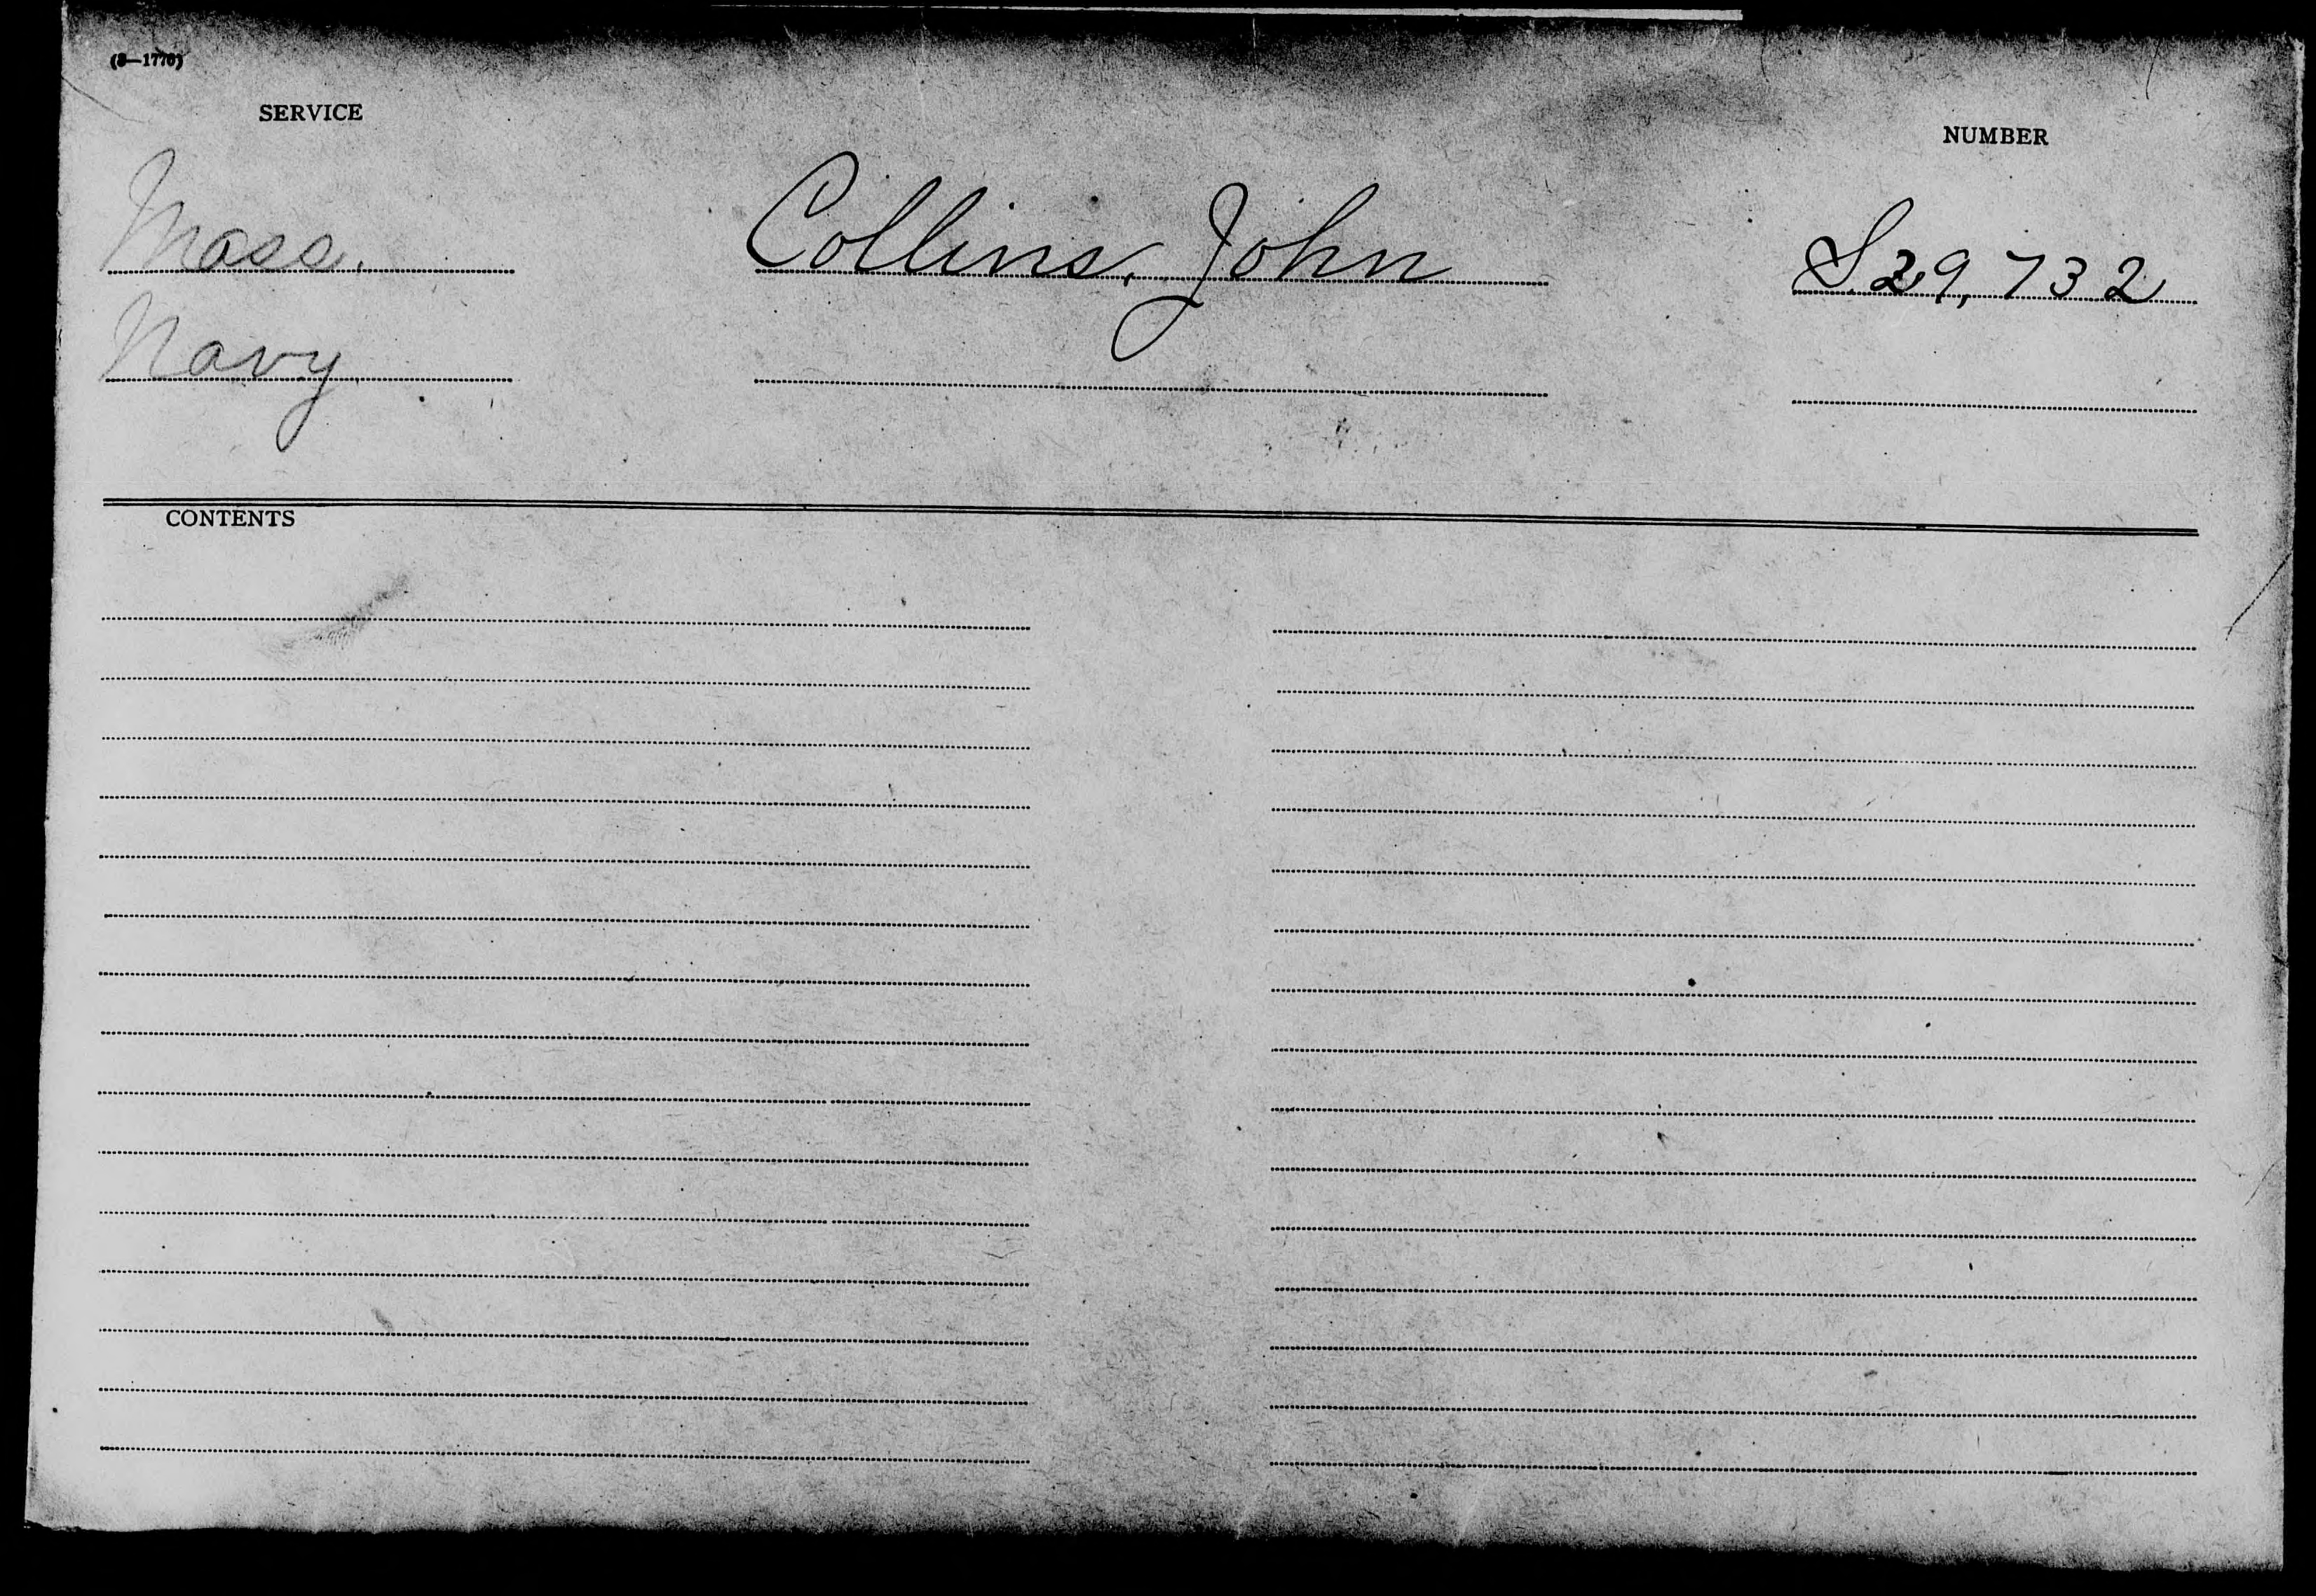(3 - 1776)
SERVICE
Mass.
Navy
Collins, John 
NUMBER
S29,732
CONTENTS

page: 1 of 43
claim: survivor's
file: S. 29,732, John Collins, Mass. Navy